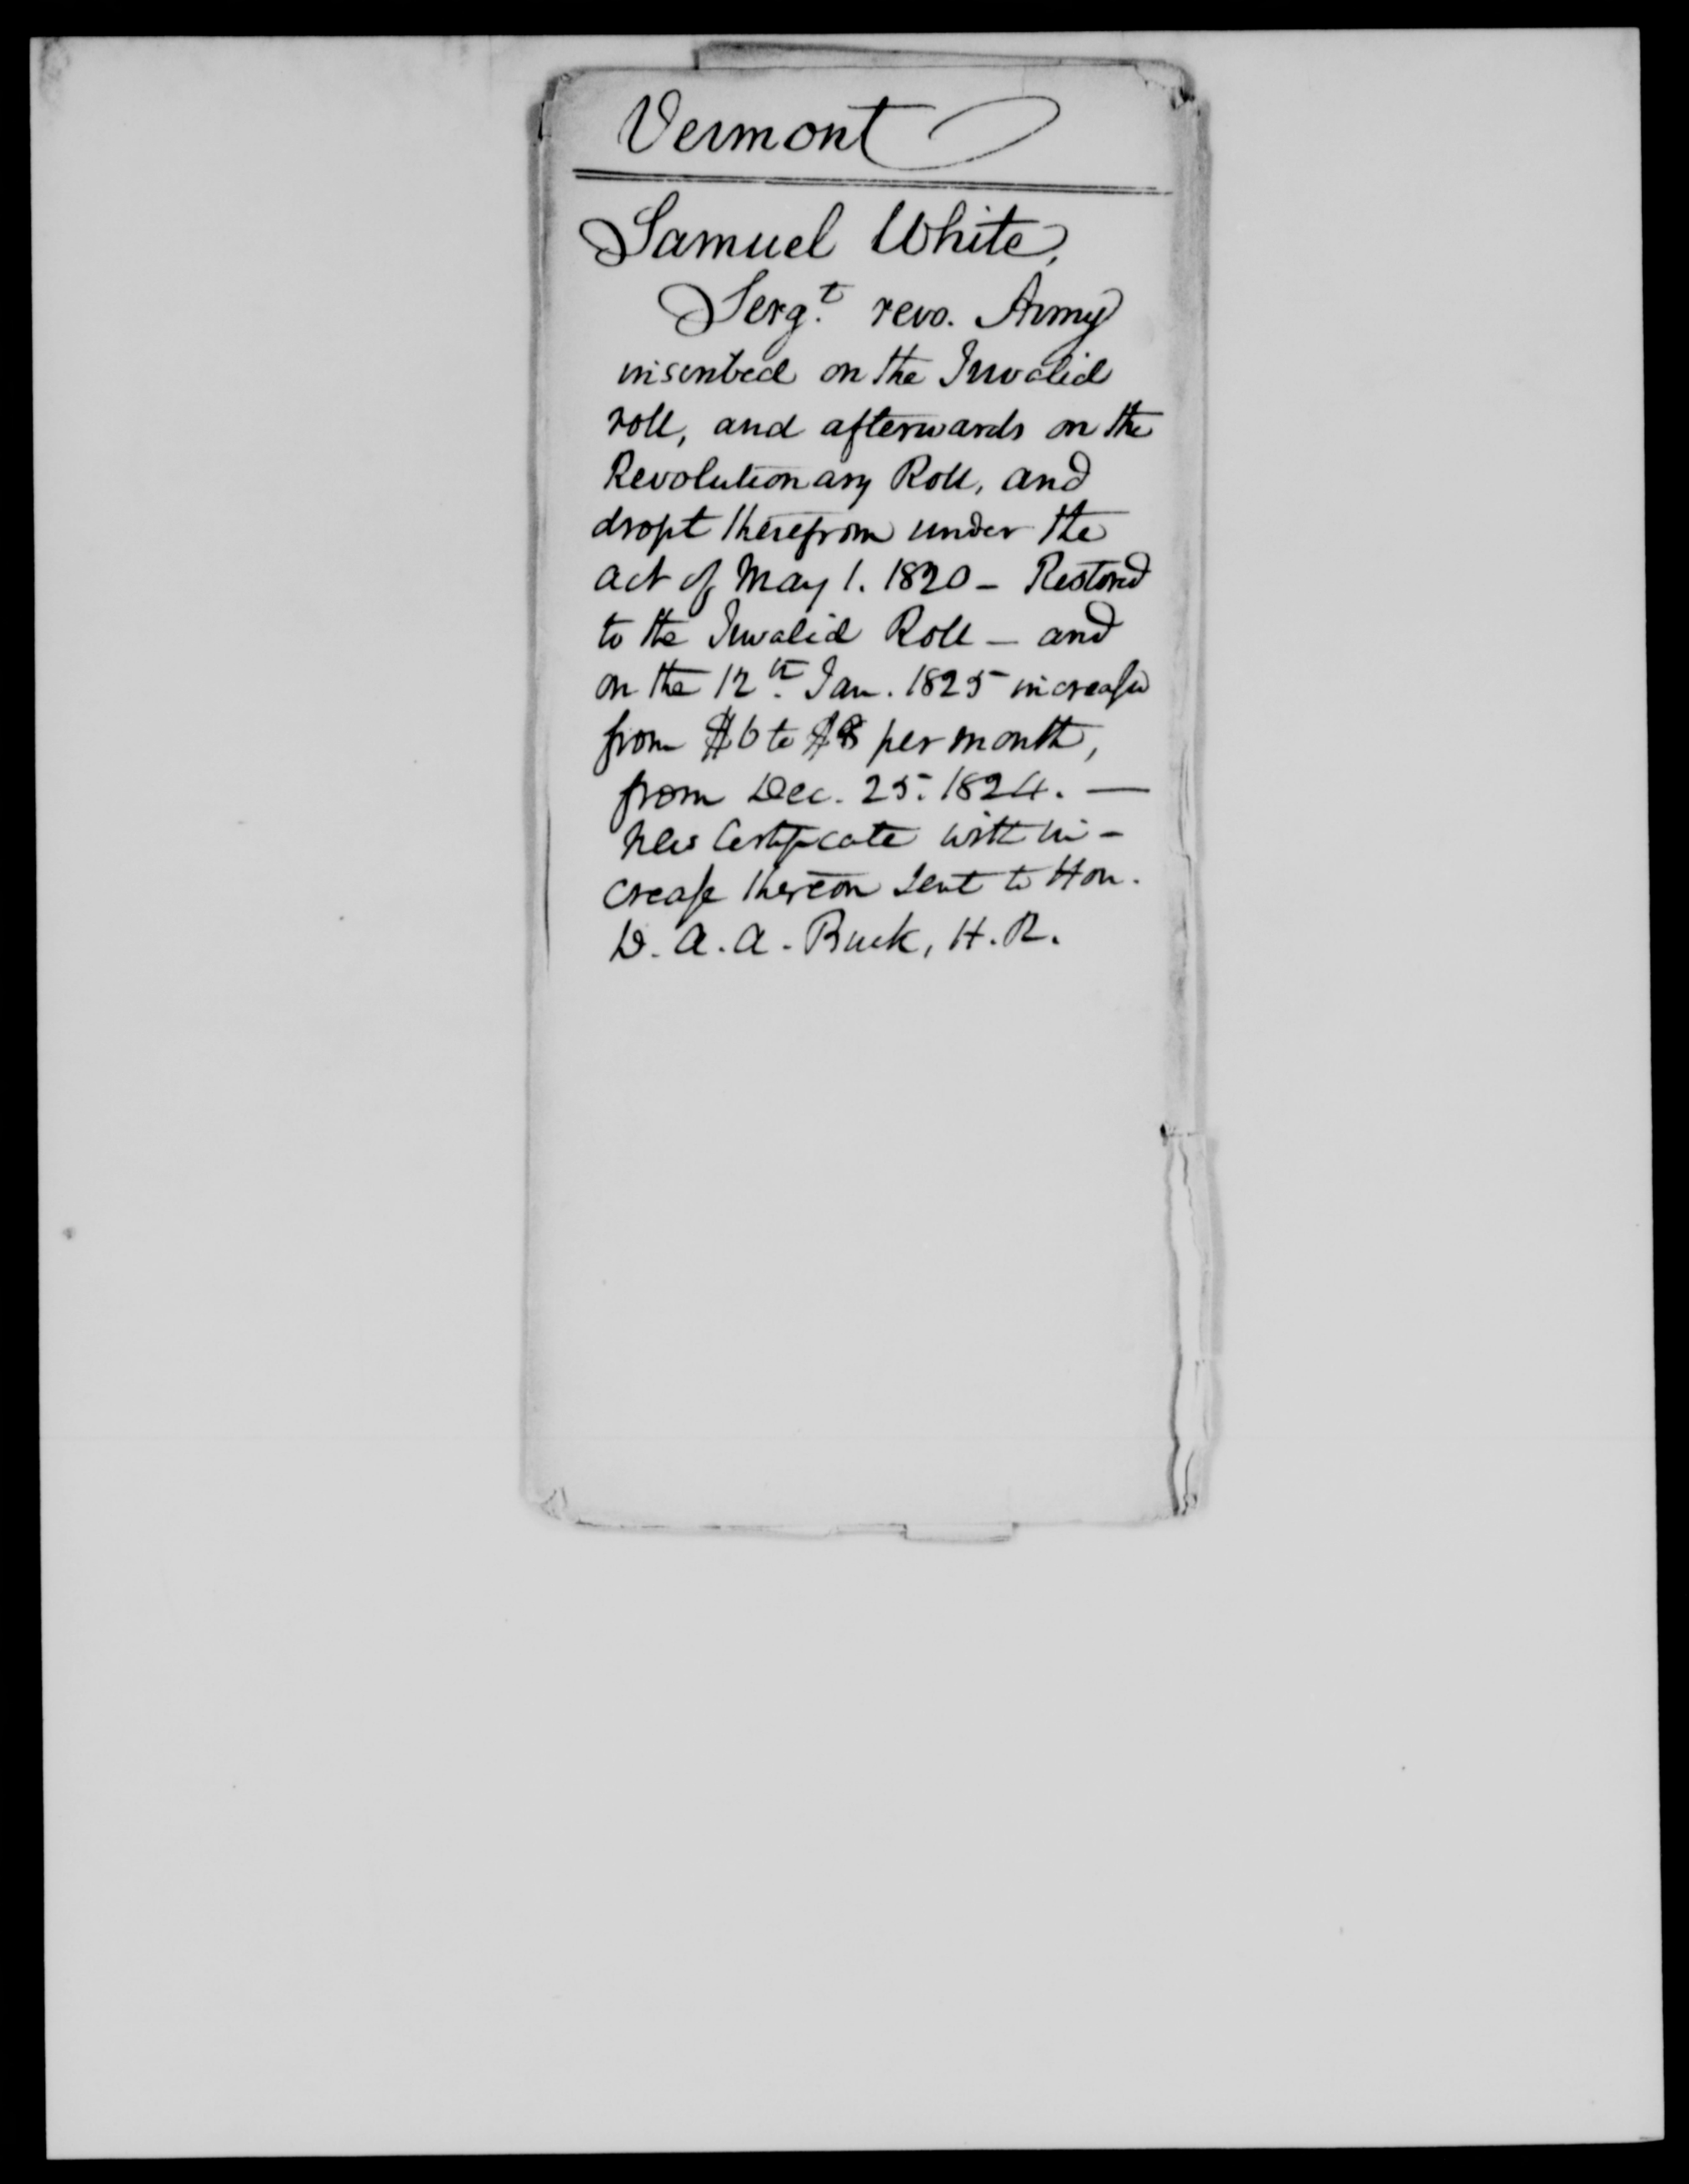Vermont
Samuel White
Sergt. revo Army
inscribed on the Invalid roll, and afterwards on the Revolutionary Roll, and dropt therefrom under the act of May 1, 1820-Restored to the Invalid Roll and on the 12th Jan. 1825 increased from $6 to $8 per month, from Dec.25 1824.New certificate with increase thereon sent to Hon. D.A.A. Buck, H.R.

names: Samuel White, A A Buck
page: 21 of 79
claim: survivor's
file: S. 11759, Samuel White, Mass.